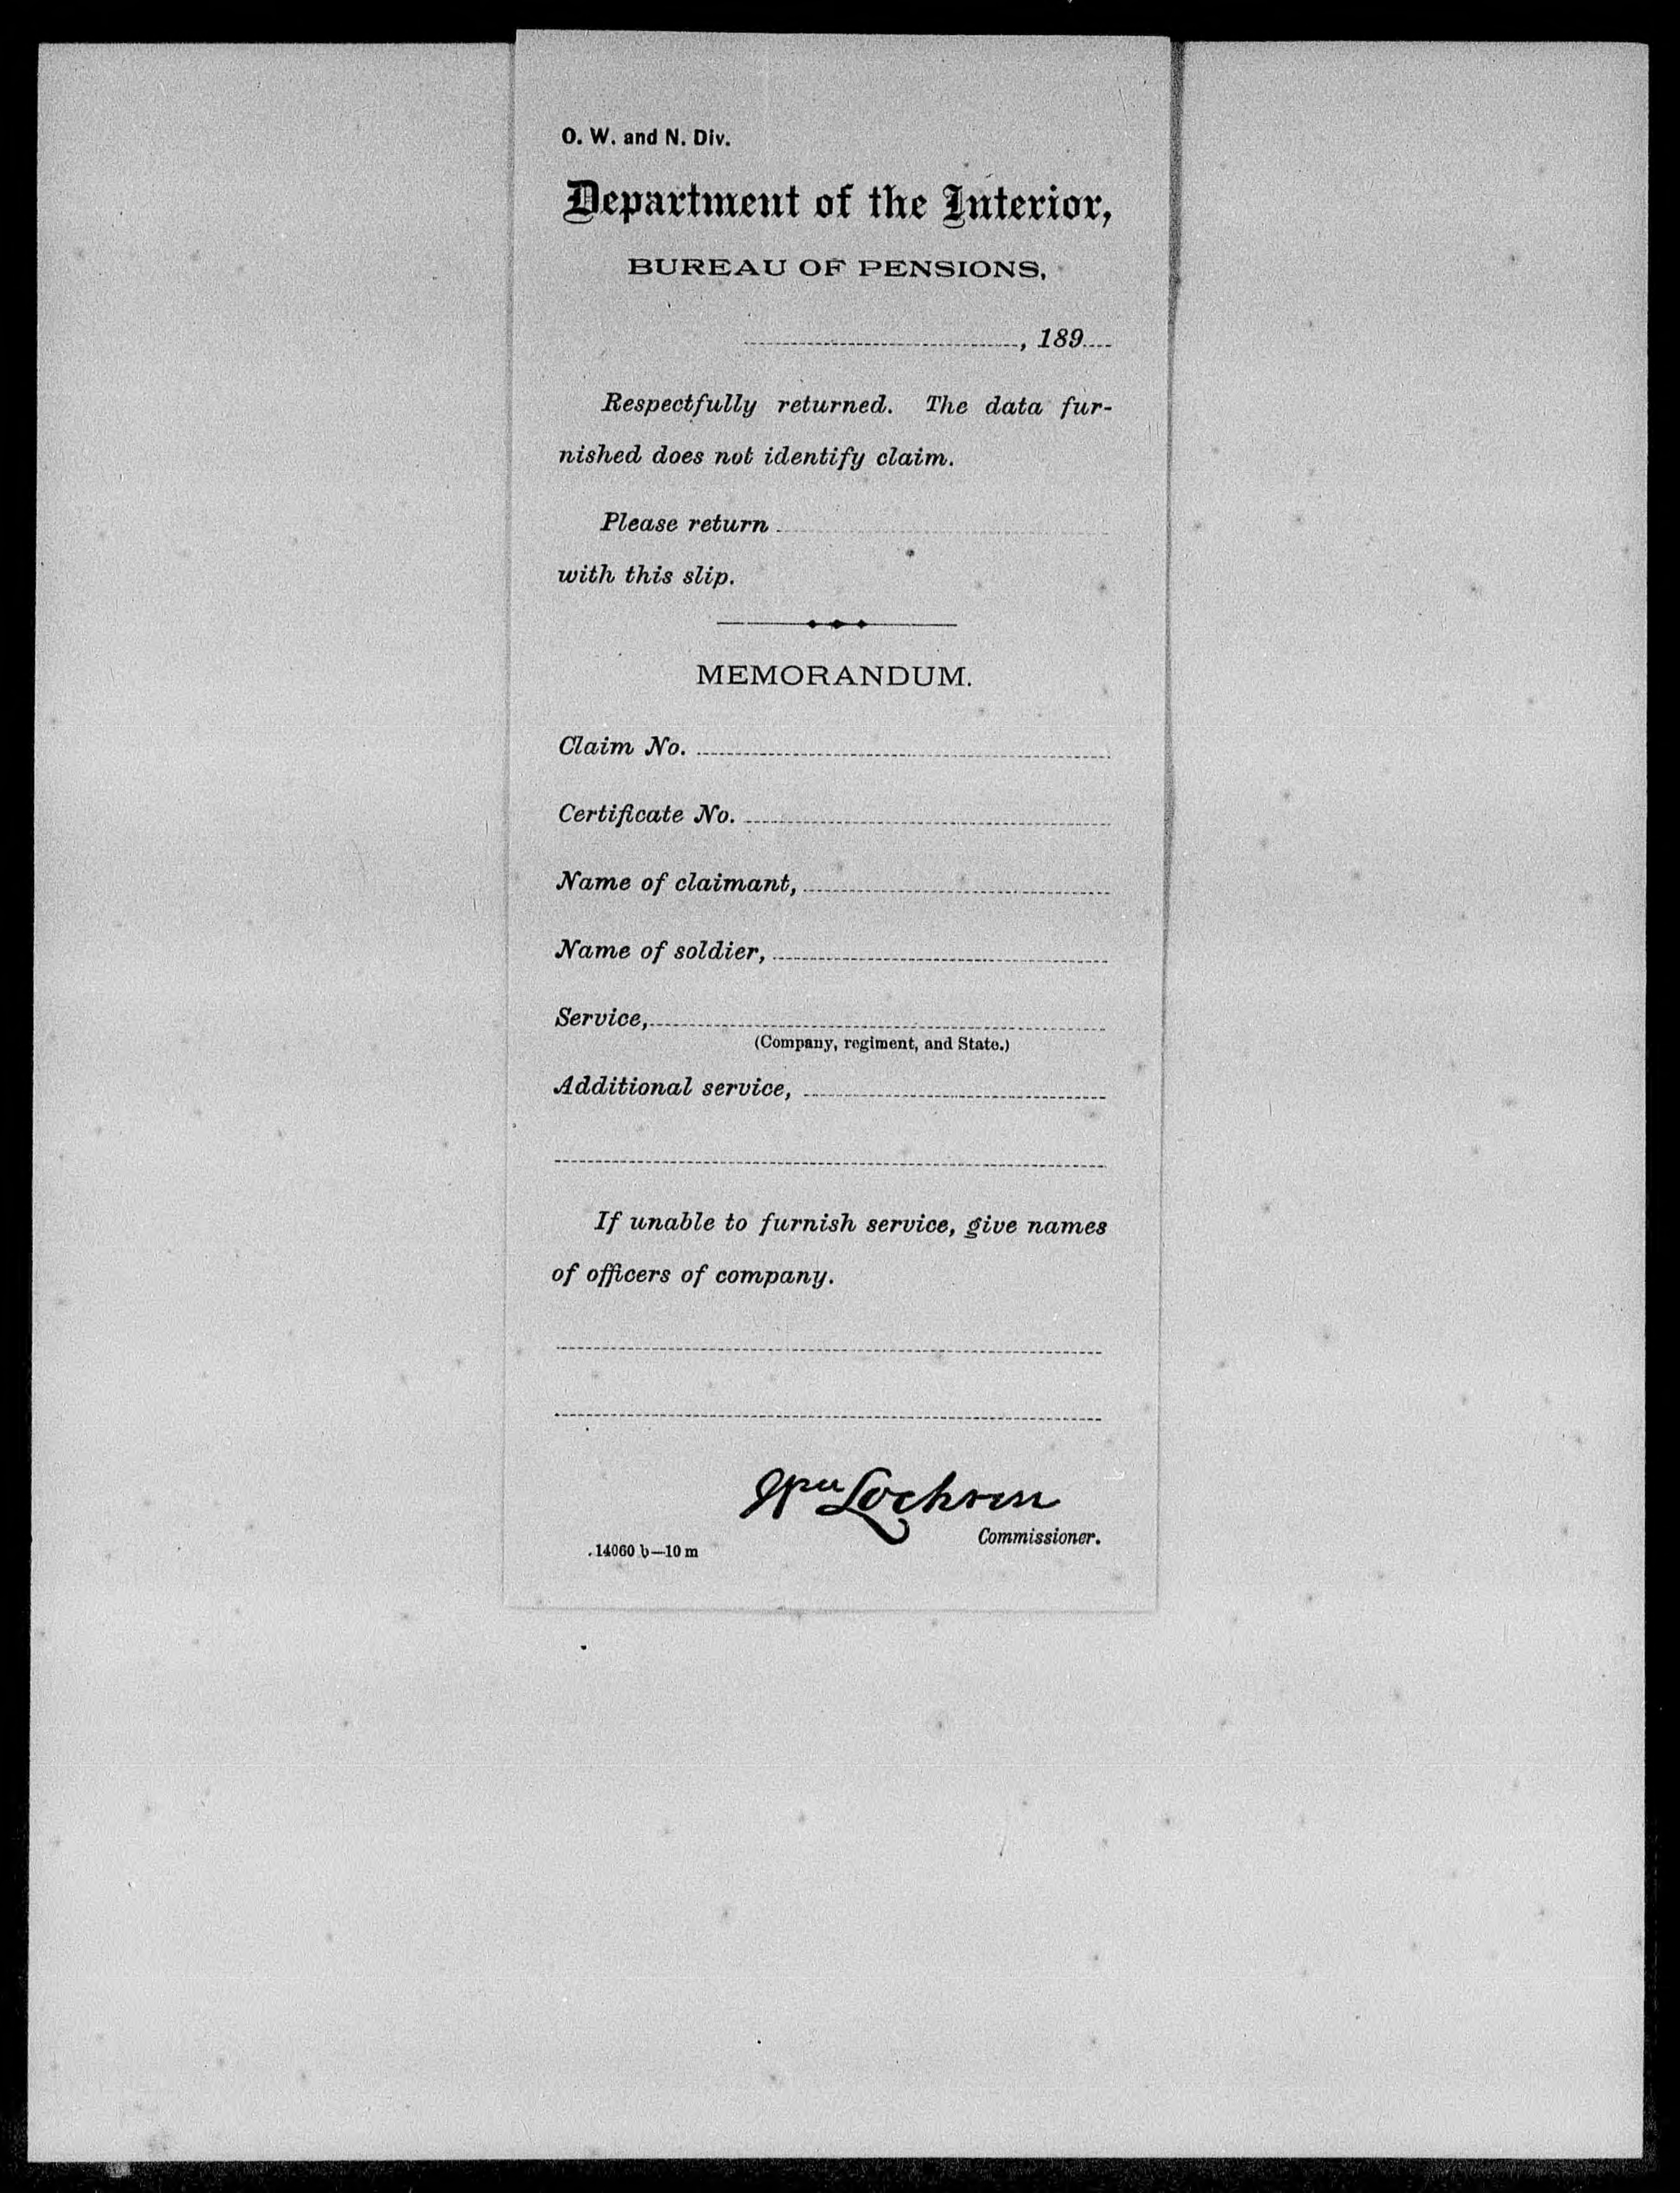O.W. and N. Div. 
Department of the Interior, 
BUREAU OF PENSIONS, 
189. 
Respectfully returned. The data furnished 
does not identify claim. 
Please return 
with this slip.

MEMORANDUM.
Claim No.  
Certificate No. 
Name of claimant, 
Name of soldier, 
Service, 
(Company, regiment, and State.) 
Additional service, 
If unable to furnish service, give names 
of officers of company. 

JP Lochorse

14060 b-10m  Commissioner.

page: 81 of 93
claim: widow's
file: W. 21792, for Thomas Mc Clurken, South Carolina